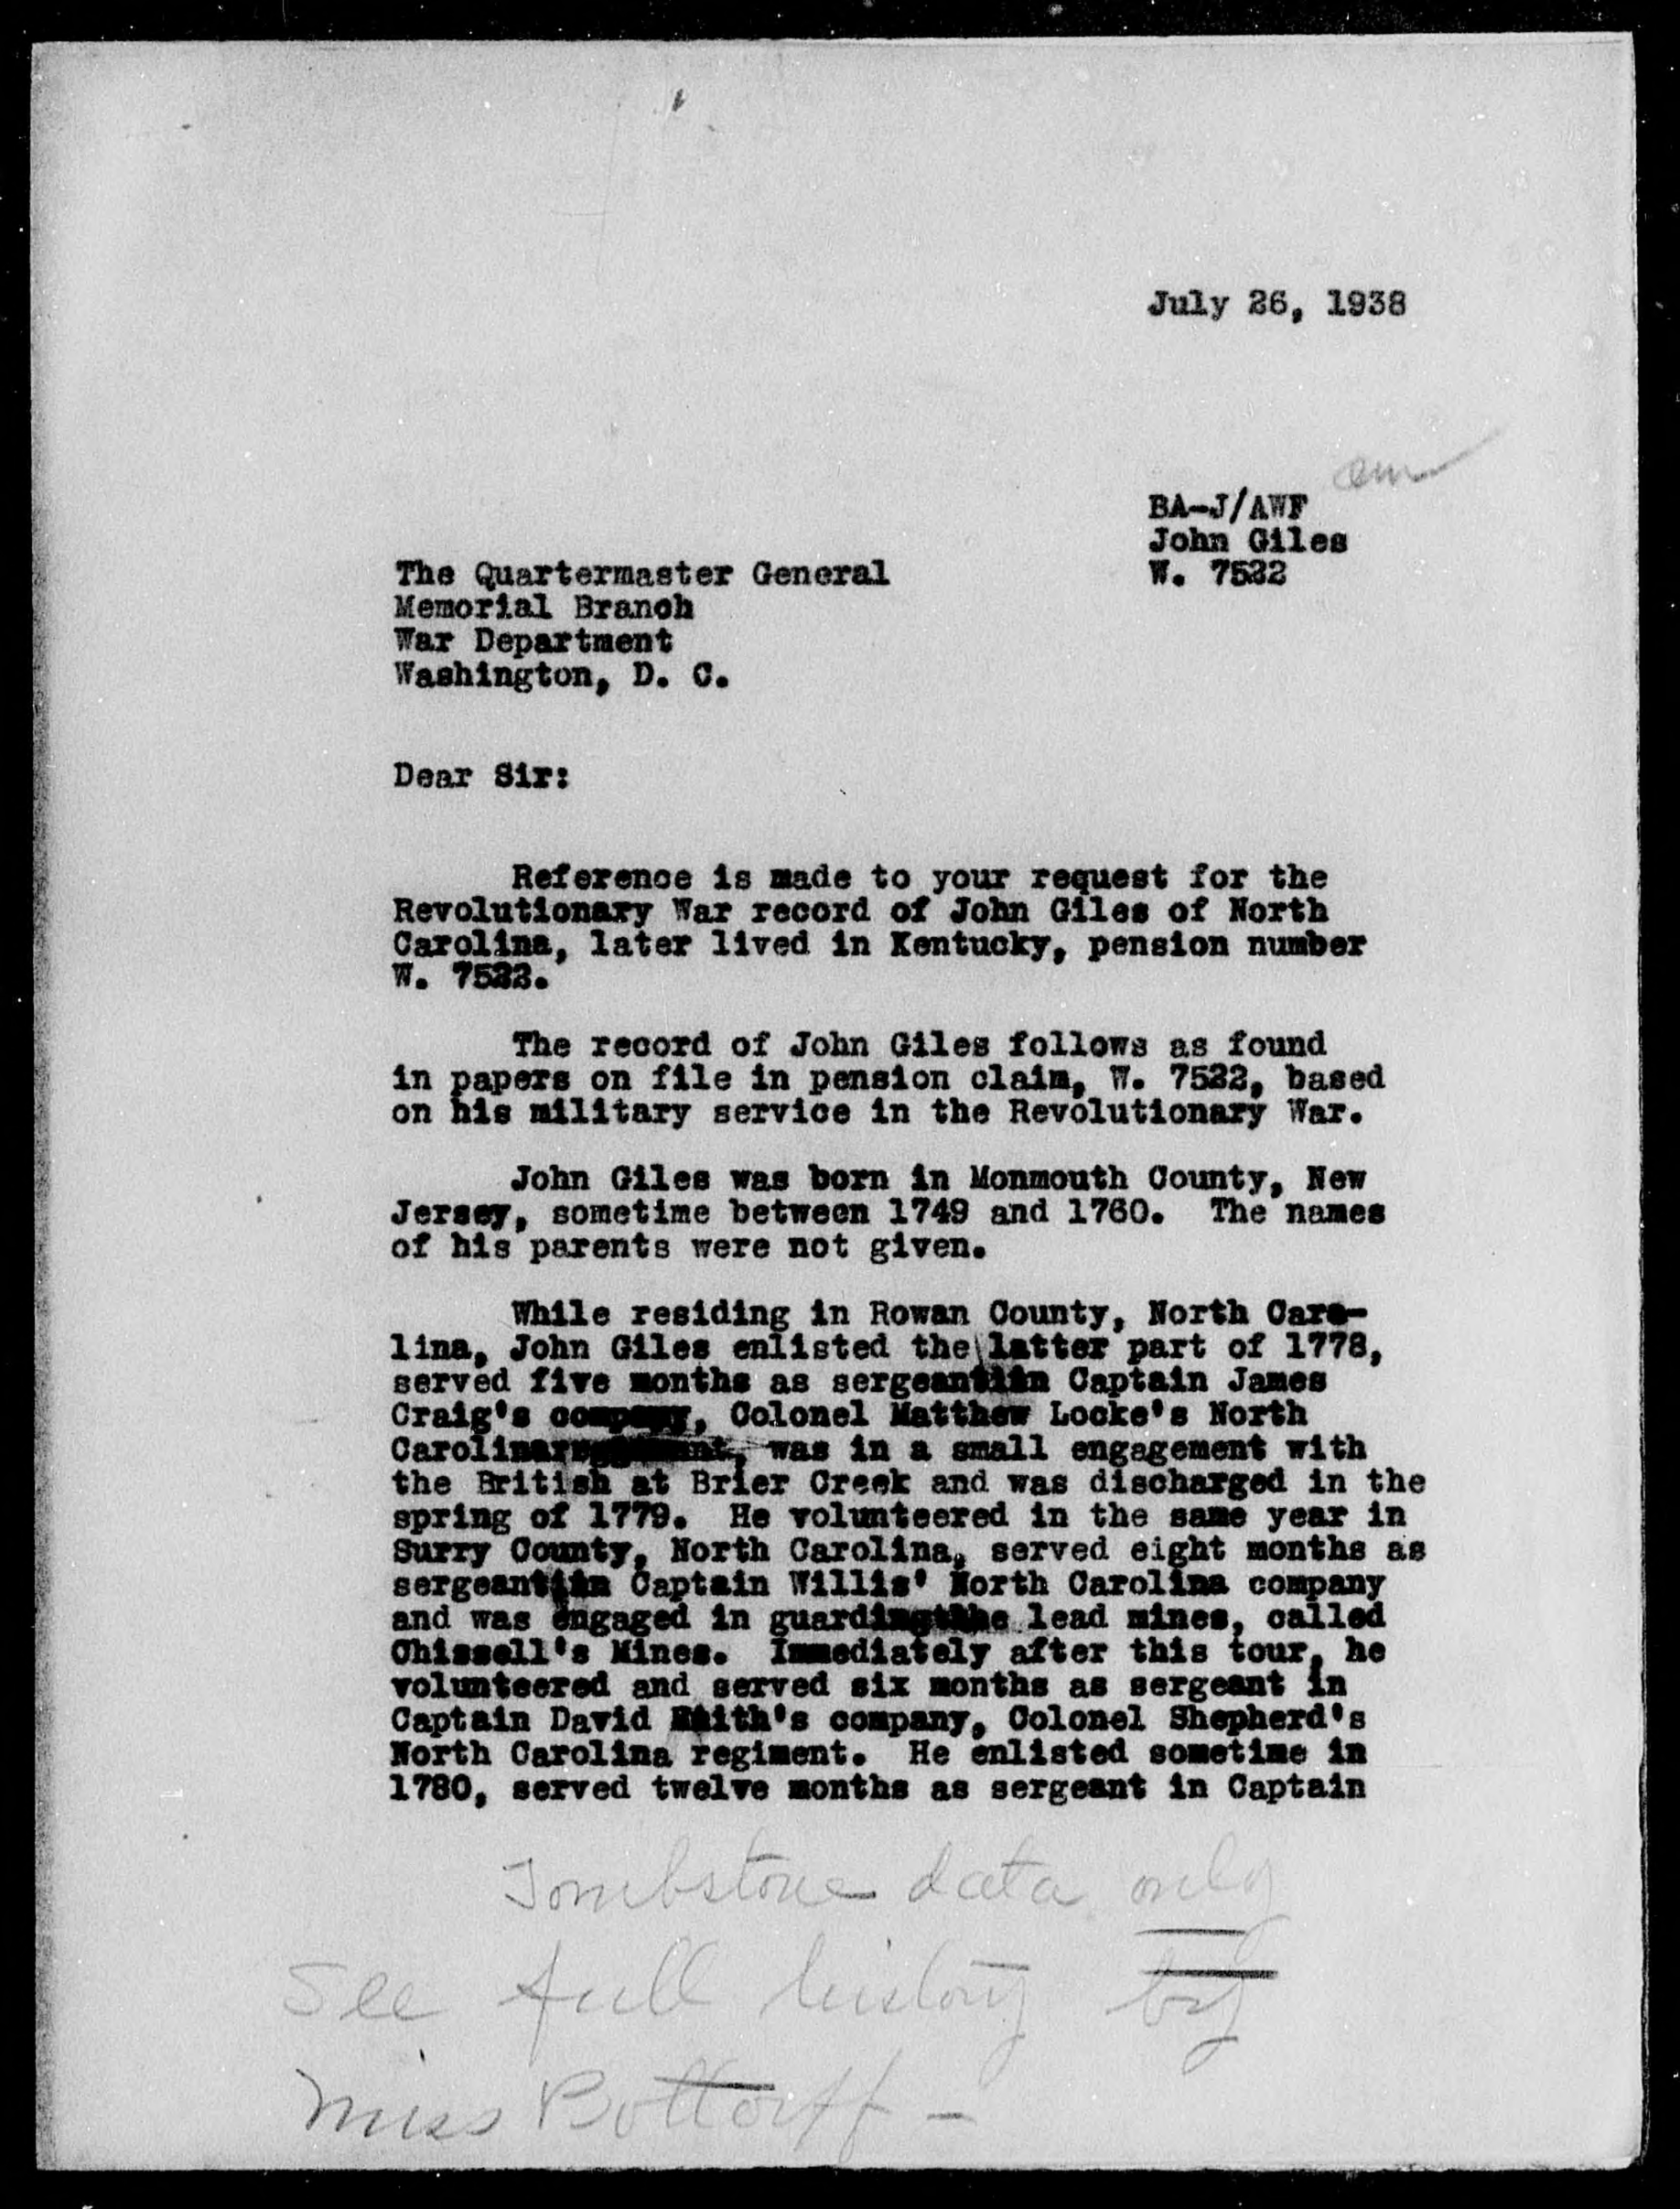BA J/AWF
John Giles
W. 7522

The Quartermaster General 
Memorial Branch
Warr Department
Washington, D.C.

Dear Sir:

Reference is made to your request for the  Revolutionary War record of John Gils of North Carolina, later lived in Kentucky, pension number W. 7522.

The record of John Giles follows as found in papers on file in pension claim, W. 7522, based on his military service in the Revolutionary War.

John Giles was born in Monmouth County, New Jersey, sometime between 1749 and 1760. The names of his parents were not given.

While residing in Rowan County, North Carolina, John Gils enlisted the latter part of 1778, served five months as Sergeant in Captain James Craig's company, Colonel Matthew Locke's North Carolina [ILLEGIBLE], was in a small engagement with the British at Brier Creek and was discharged in the spring of 1779. He volunteered in the same year in Surry County, North Carolina, served eight months as sergeant in Captain Willis' North Carolina company and was engaged in guarding the lead mines, called Chissell's Mines. Immediately after this tour, he volunteered and served six months as sergeant in Captain David Smith's company, Colonel Shepherd's North Carolina regiment. He enlisted sometime in 1780, served twelve months as sergeant in Captain

Tombstone data only
See full history by Miss. Bottorff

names: John Giles, John Giles, John Giles, Bottorff, John Giles, John Giles, Tombstone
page: 78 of 82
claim: widow's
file: W. 7,522, John Giles, N.C.